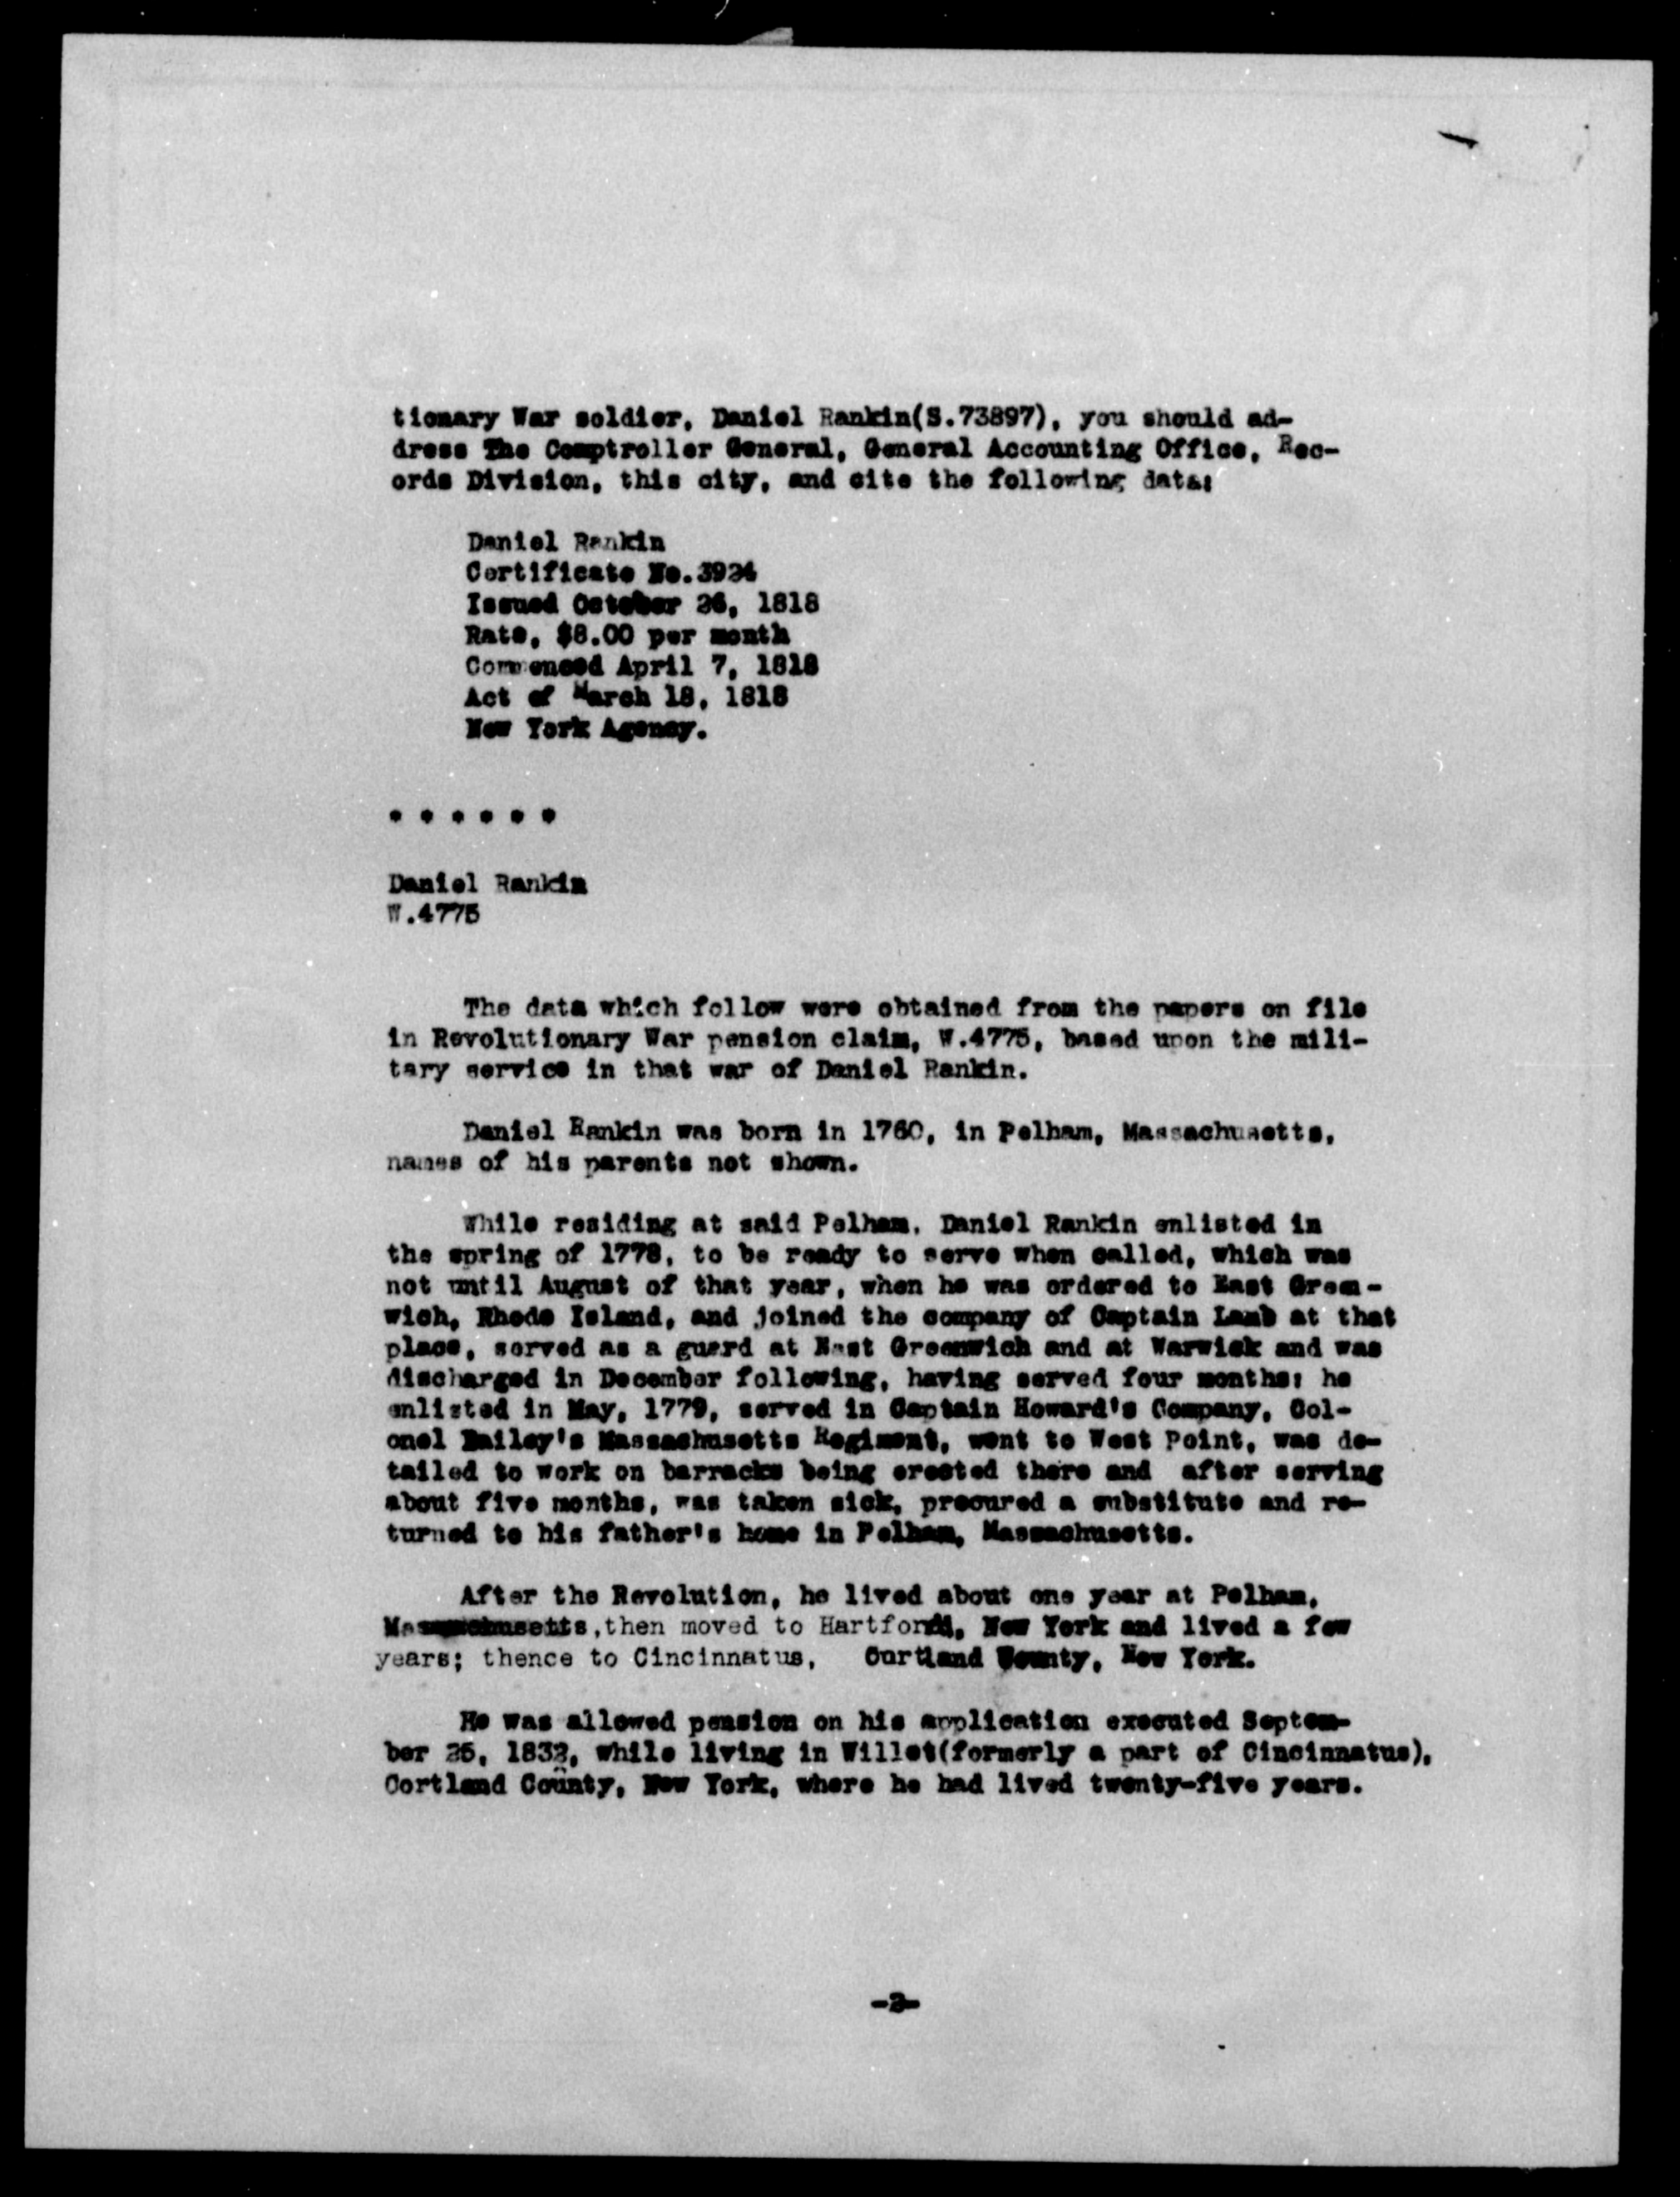tionary War soldier, Daniel Rankin (S. 73897) you should address The Comptroller General, General Accounting Office, Records Division, this city, and cite the following data:

Daniel Rankin
Certificate No 3924
Issued October 24, 1818
Rate $8.00 per month
Commended April 7, 1818
Act of March 18, 1818
New York Agency

Daniel Rankin
W.4775

The data which follow were obtained from the papers on file in Revolutionary War pension claim, W.4775, based upon the military service in that war of Daniel Rankin. 

Daniel Rankin was born in 1760, in Pelham , Massachuetts, names of his parents not shown. 

While residing at said Pelham, Daniel Rankin enlisted in the spring of 1778, to be ready to serve when called, which was not until August of that year, when he was ordered to East Greenwich, Rhode Island, and joined the company of Captail Lamb at that place, served as a guard at East Greenwich and at Warwick and was discharged in December following, having served four months; he enlisted in May, 1779, served in Captain Edward's Company, Colonel Bailey's Massachusetts Regimont, went to West Point, was detailed to work on barracks being erected there and after serving about five months, was taken sick, precured a substitute and returned to his father's home in Pelham, Massachuesetts. 

After the Revolution, he lived about one year at Pelham, Massachuetts, then moved to Hartford, New York and lived a few years; thence to Cincinnatus, Cortland County, New York. 

He was allowed pension on his application executed September 25, 1833, while living in Willet (formerly a part of Cincinnatus), Cortland County, New York, where he had lived twenty-five years. 

-3-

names: Daniel Rankin; Daniel Rankin; Daniel Rankin; Daniel Rankin; [BLANK] Lamb; Daniel Rankin; Daniel Rankin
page: 26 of 27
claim: survivor's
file: S. 43897, for Daniel Rankin, New York